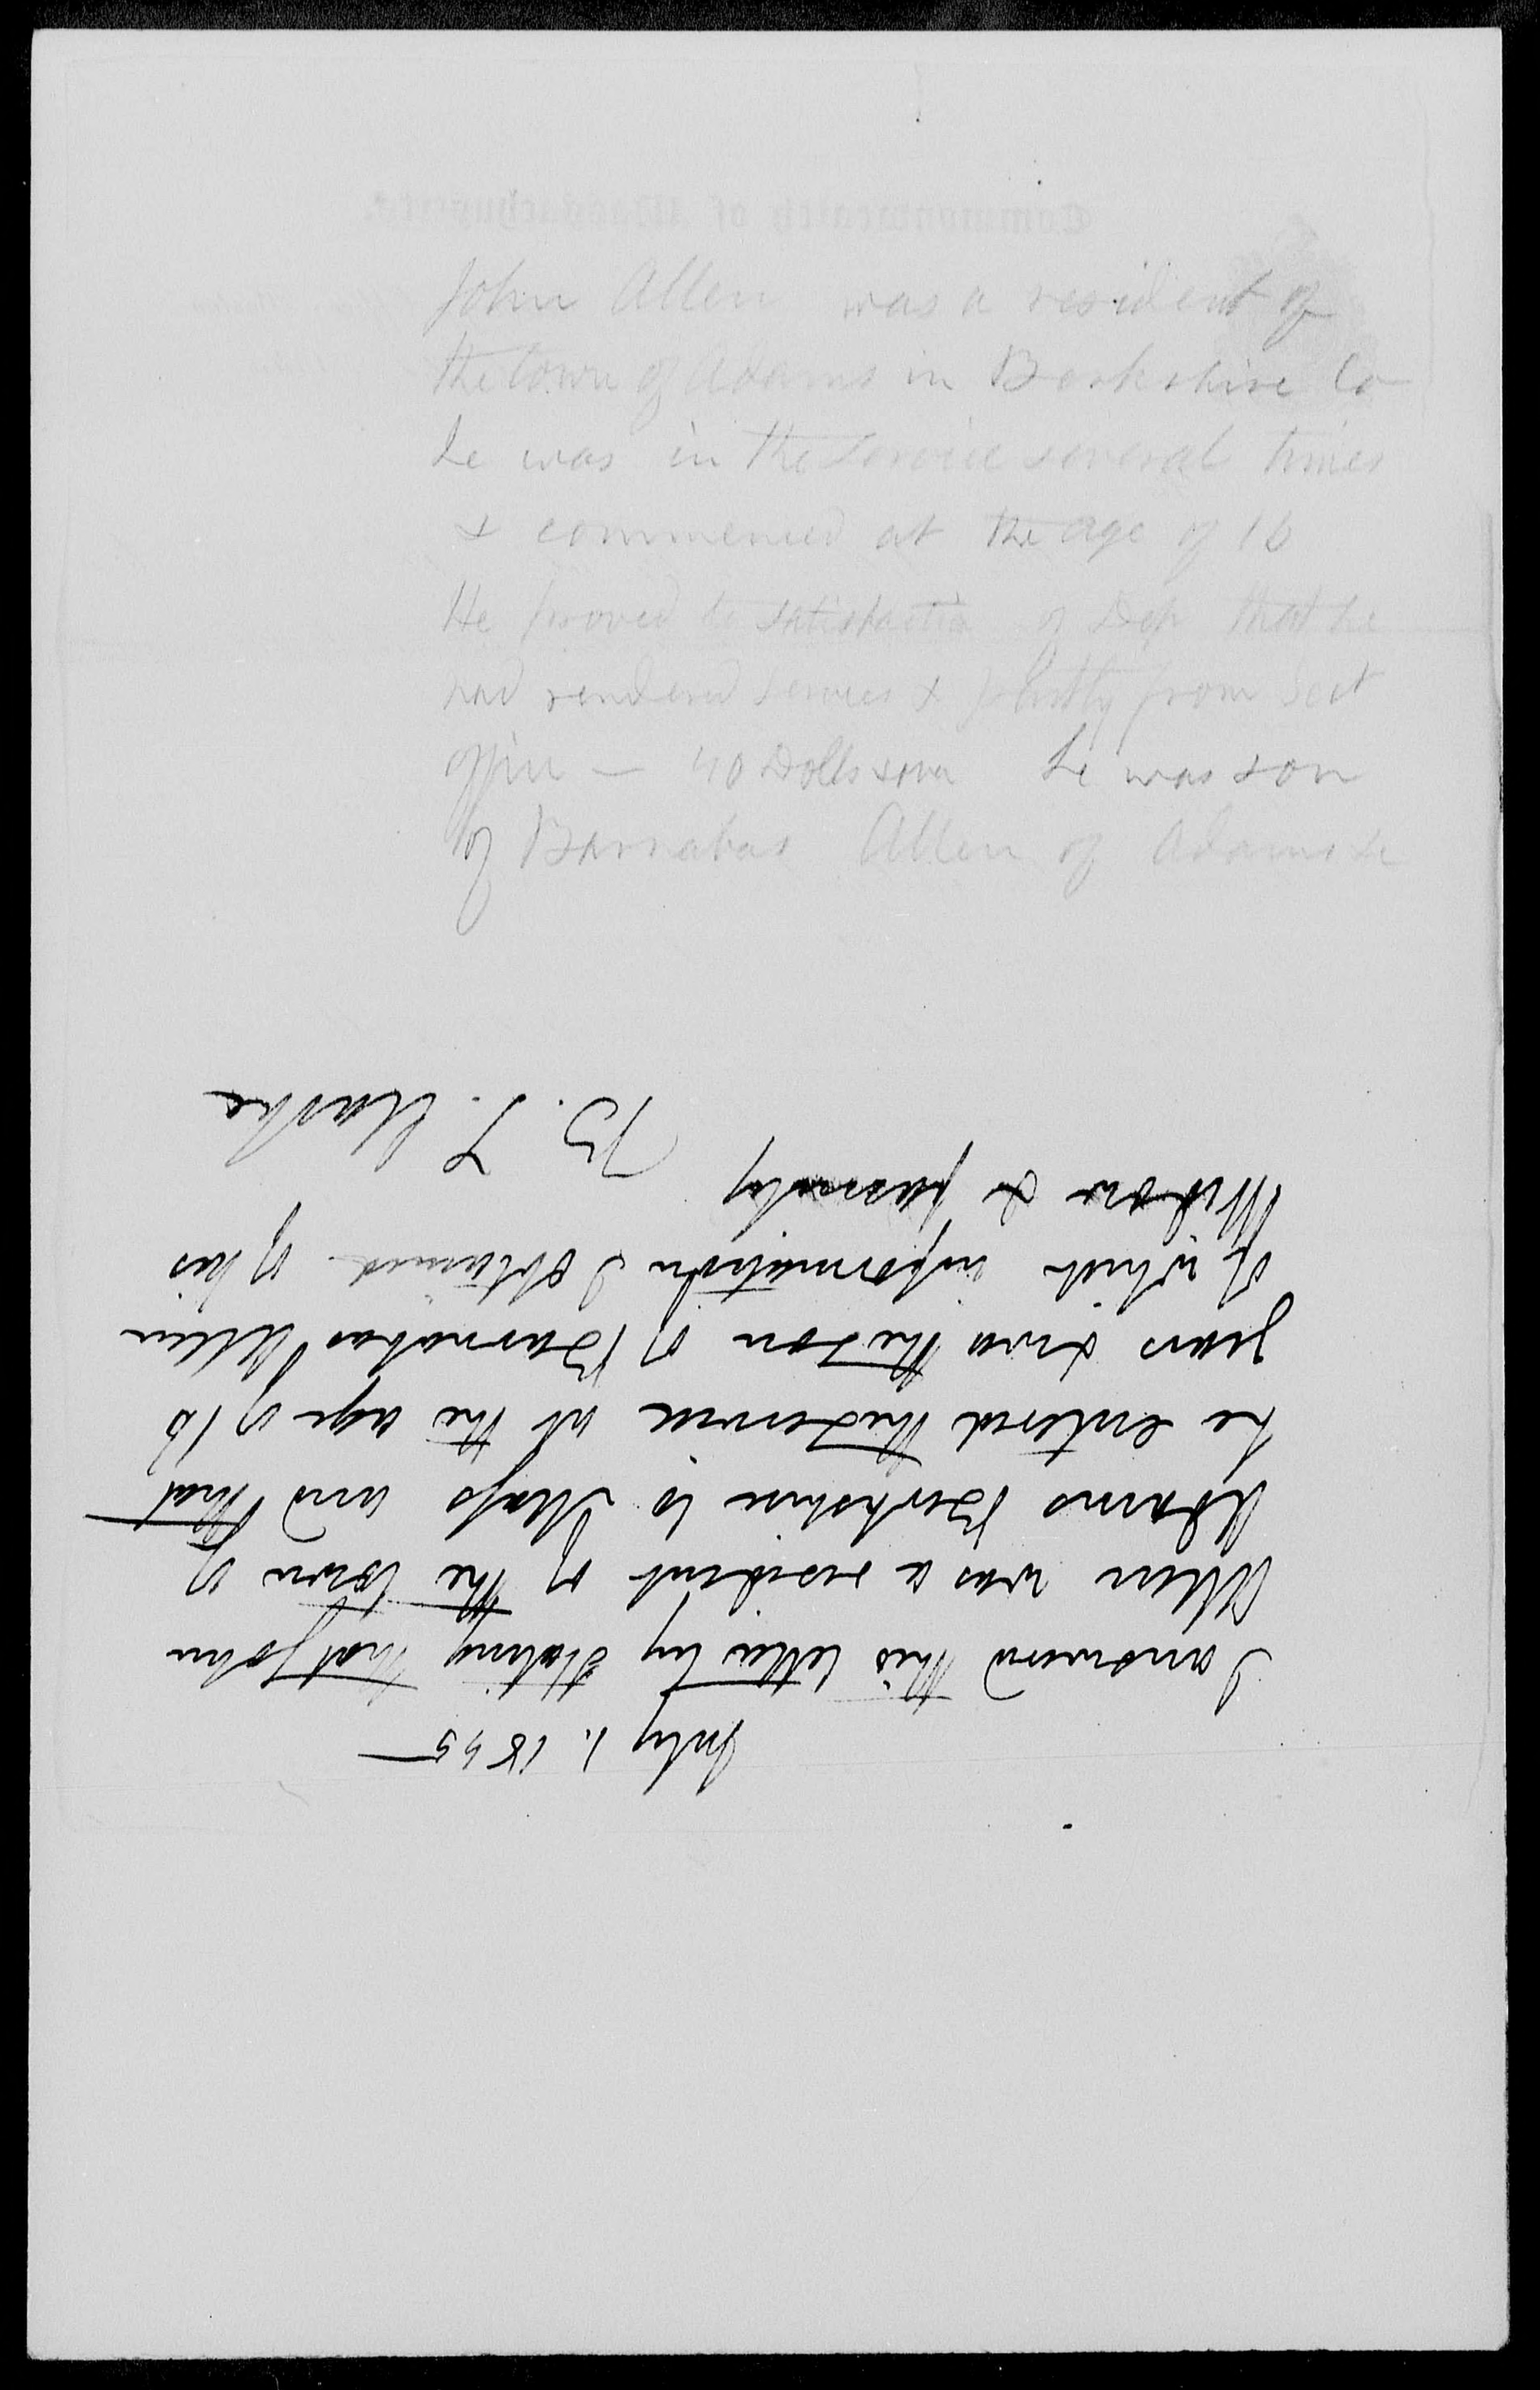[written in light ink]
John Allen was a resident of the town of Adams in Berkshire Co
He was in the service several times and commenced at the age of 16
He proved to satisfaction of Dept that he had rendered services & partly from 
Sect office – 40 Dolls & over  He was son of Barnabas Allen of Adams

[written upside down in the bolder ink]
July 1. 1845 
I answered this letter by stating that John Allen was a resident of the town of Adams Berkshire Co Mass and that he entered the service at the age of 16 years & was the son of Barnabas Allen of which information I obtained Widow & family of his Widow and family
B. T. Clarke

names: John Allen, B T Clarke, Barnabas Allen, Barnabas Allen, John Allen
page: 52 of 74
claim: widow's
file: W. 23424, John Allen, Mass. R. I.